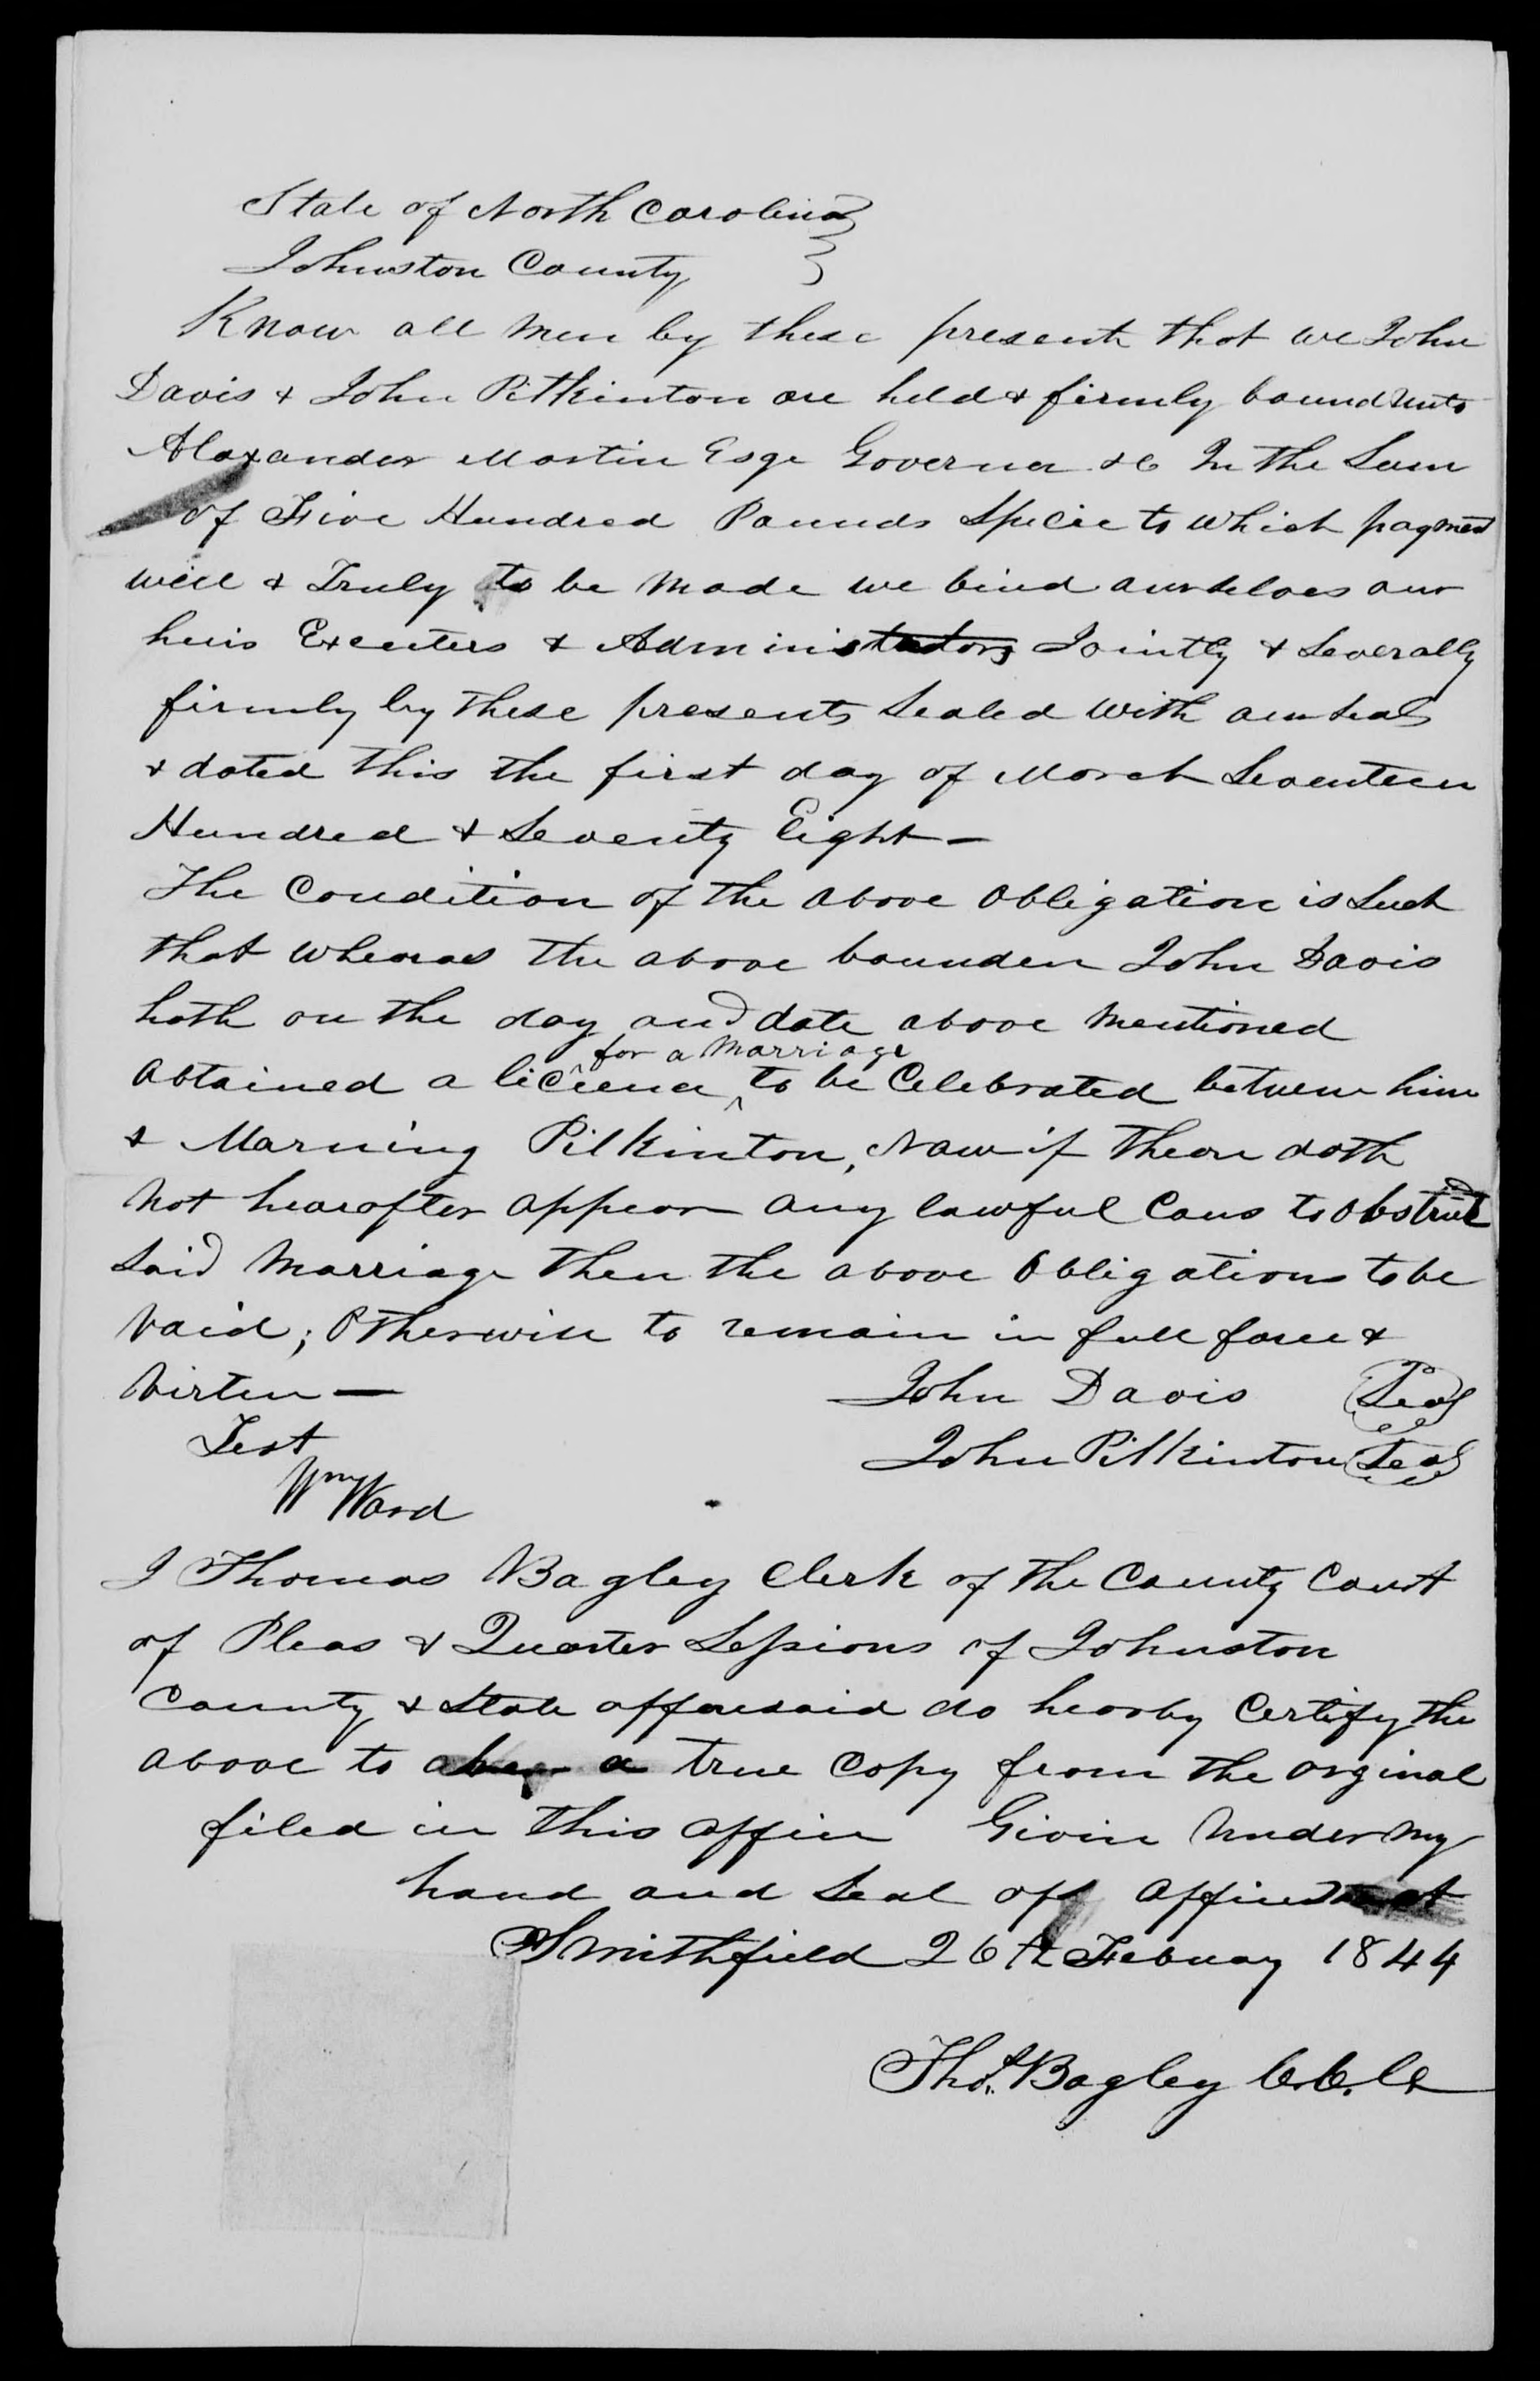State of North Carolina
Johnston county
Know all men by these present that we John
Davis & John Pilkinton are held & firmly bound unto
Alexander Martin Esq. Governor . In the Sum
of Five Hundred Pounds Specie to which payment
will & truly to be made we bind ourselves our
heirs Executors & Administrators Jointly & Severally
firmly by these present Sealed with a Seal
& dated this the first day of March Seventeen
Hundred & Seventy Eight--
The condition of the above obligation is such
that whereas the above bounden John Davis
hath on the day and date above mentioned
obtained a license for a marriage to be celebrated between him
& Mourning Pilkinton, Now if there doth
not hereafter appear any lawful cause to obstruct
said marriage then the above obligation to be
paid; otherwise to remain in full force &
virtue--

John Davis   [Seal]
John Pilkinton   [Seal]

Wm. Ward

I Thomas Bagley Clerk of the County Court
of Pleas & Quarter Sessions of Johnston
County & State aforesaid do hereby certify the
above to be a true copy from the original
filed in this office. Given under my
hand and Seal of office at
Smithfield 26th February 1844

Thos. Bagley C.C.C.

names: Wm Ward, John Davis, Thomas Bagley, Thos Bagley, John Davis, John Pitkinton, John Davis, Morning Pilkinton, John Pilkinton, Alaxander Martin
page: 10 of 29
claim: widow's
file: W. 19156, John Davis, N.C.